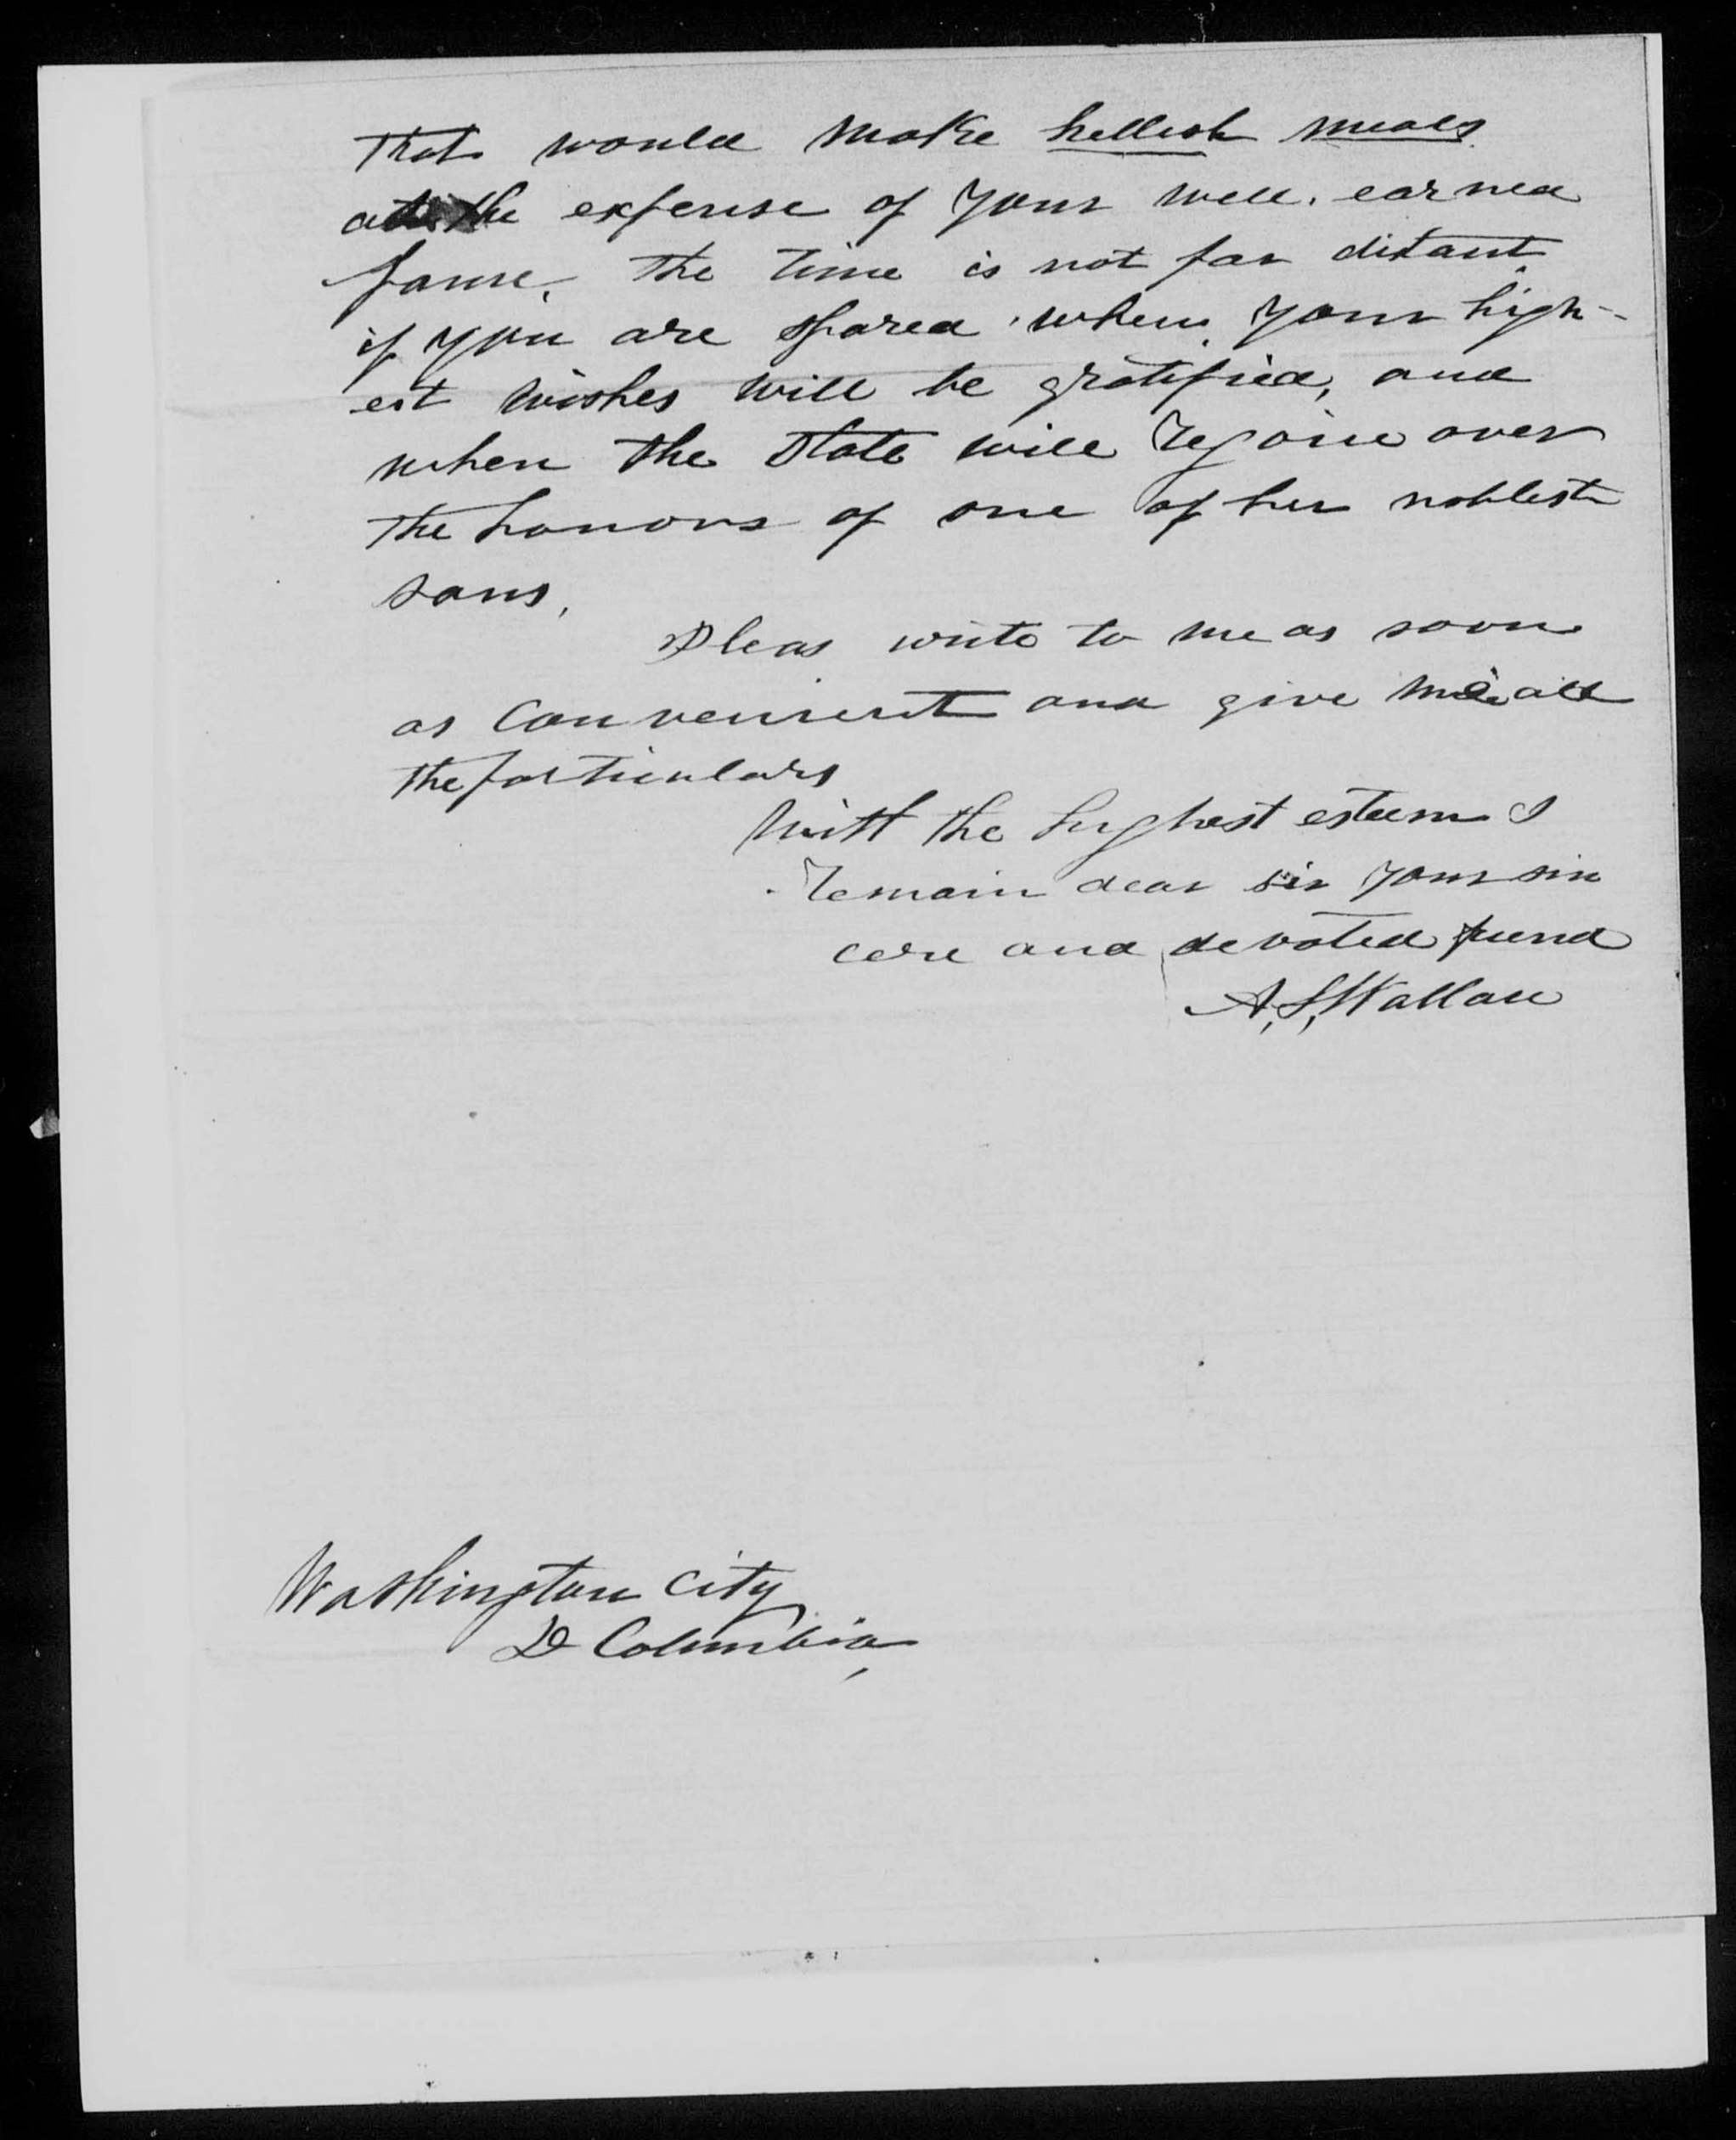that would make hellish meals at the expense of your well earned fame, the time is not far distant if you are spared when your highest wishes will be gratified, and when the state will rejoice over the honor of one of her noblest sons.
Pleas write to me as soon as convenient and give me all the particulars
with the highest esteem I remain dear sir your sincere and devoted friend
A.S. Wallace


Washington City
D Columbia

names: A S Wallace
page: 50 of 51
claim: widow's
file: W. 9700, Denney Anderson, S.C.